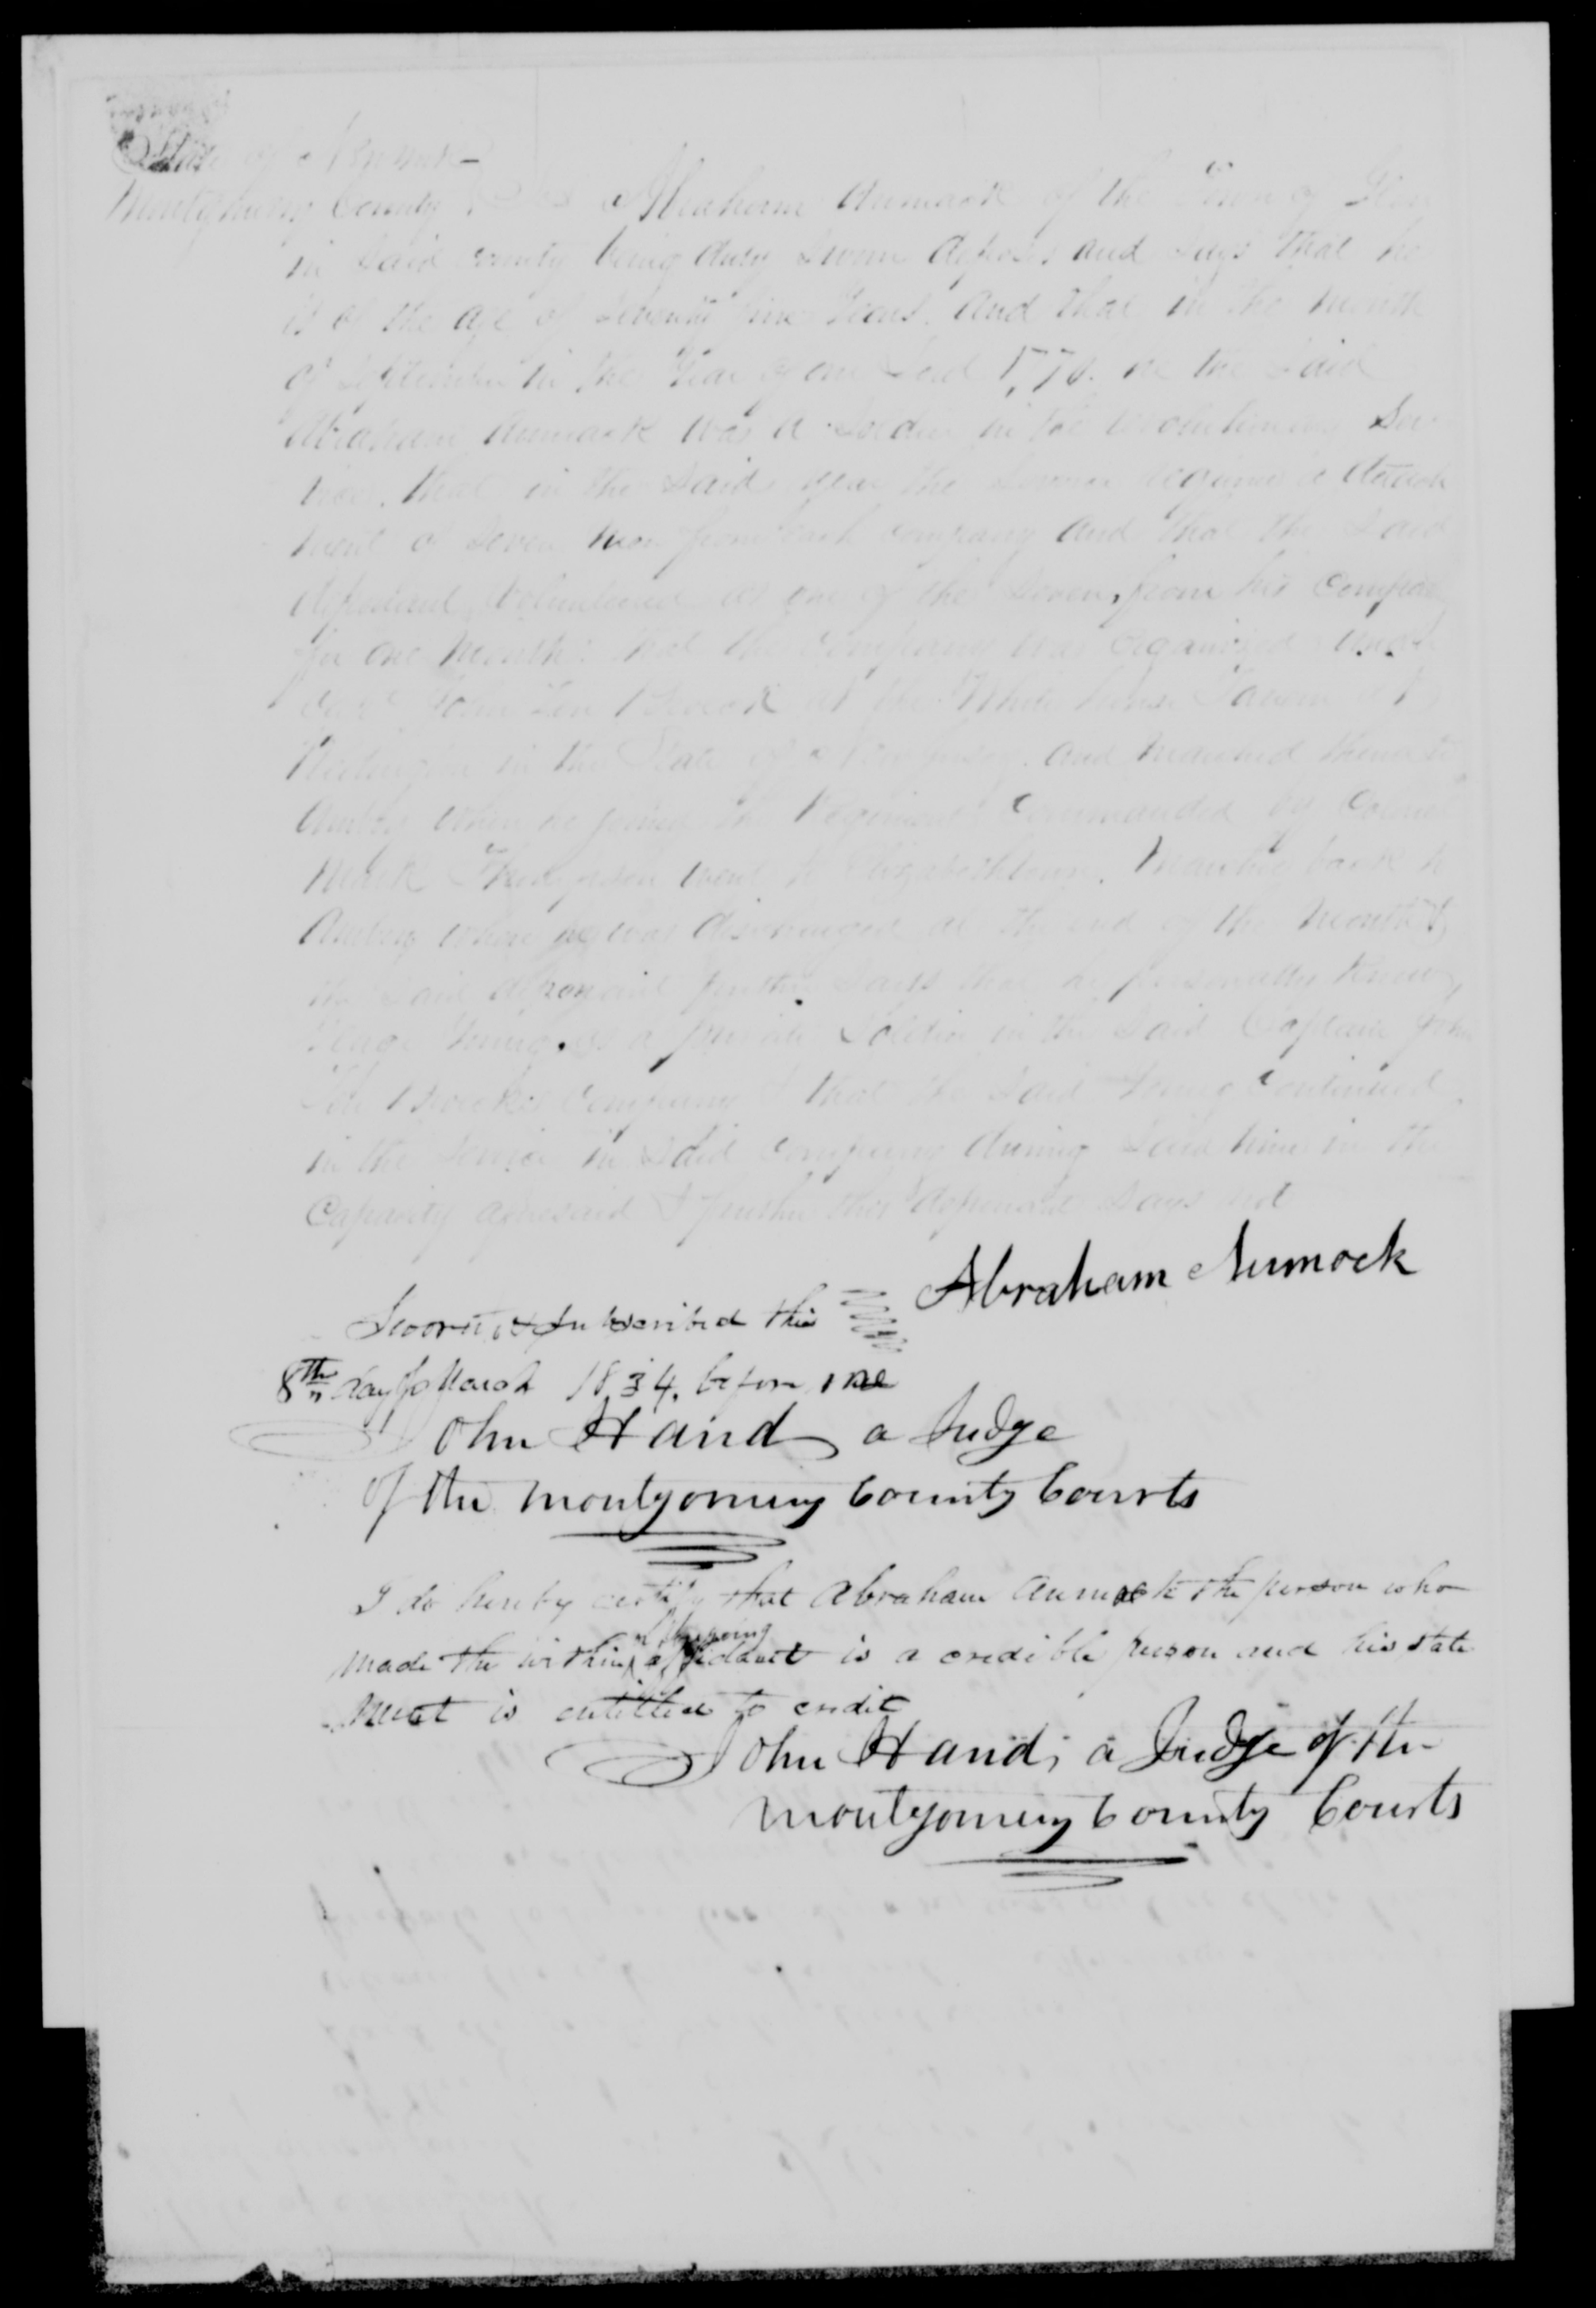County Adam Hamack of the
in said County being duly sworn to and says that
in the advent in dens. And that in the month
in the year one at 10 in the
remark was born in town St
that in the said May the late
ment of seven the fact any and that the said
Volume of the Liven, from his com
one month.
of
the back the within
Water in the State
and then
the other part incode

of
Morton Waughan Moule and
Amboy wherein was on the month &
the said one forth as the ptt know
page being in the said Capt John
he took command that said continued
in the service in said court during said him in the
Caprity aforesaid & further this he says not
Abraham Sumock
Sworn & Subscribed this
Ray March 1834, before the
John Hand a Judge
of the Montgomery County Courts
I do hereby certify that Abraham Anne the person who
made the within is a credible person and his state
ment is entitled to credit
John Hand a Judge of the
Montgomery County Courts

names: Abraham Aumock, John Hand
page: 6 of 67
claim: widow's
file: W. 7379, George Young, New Jersey